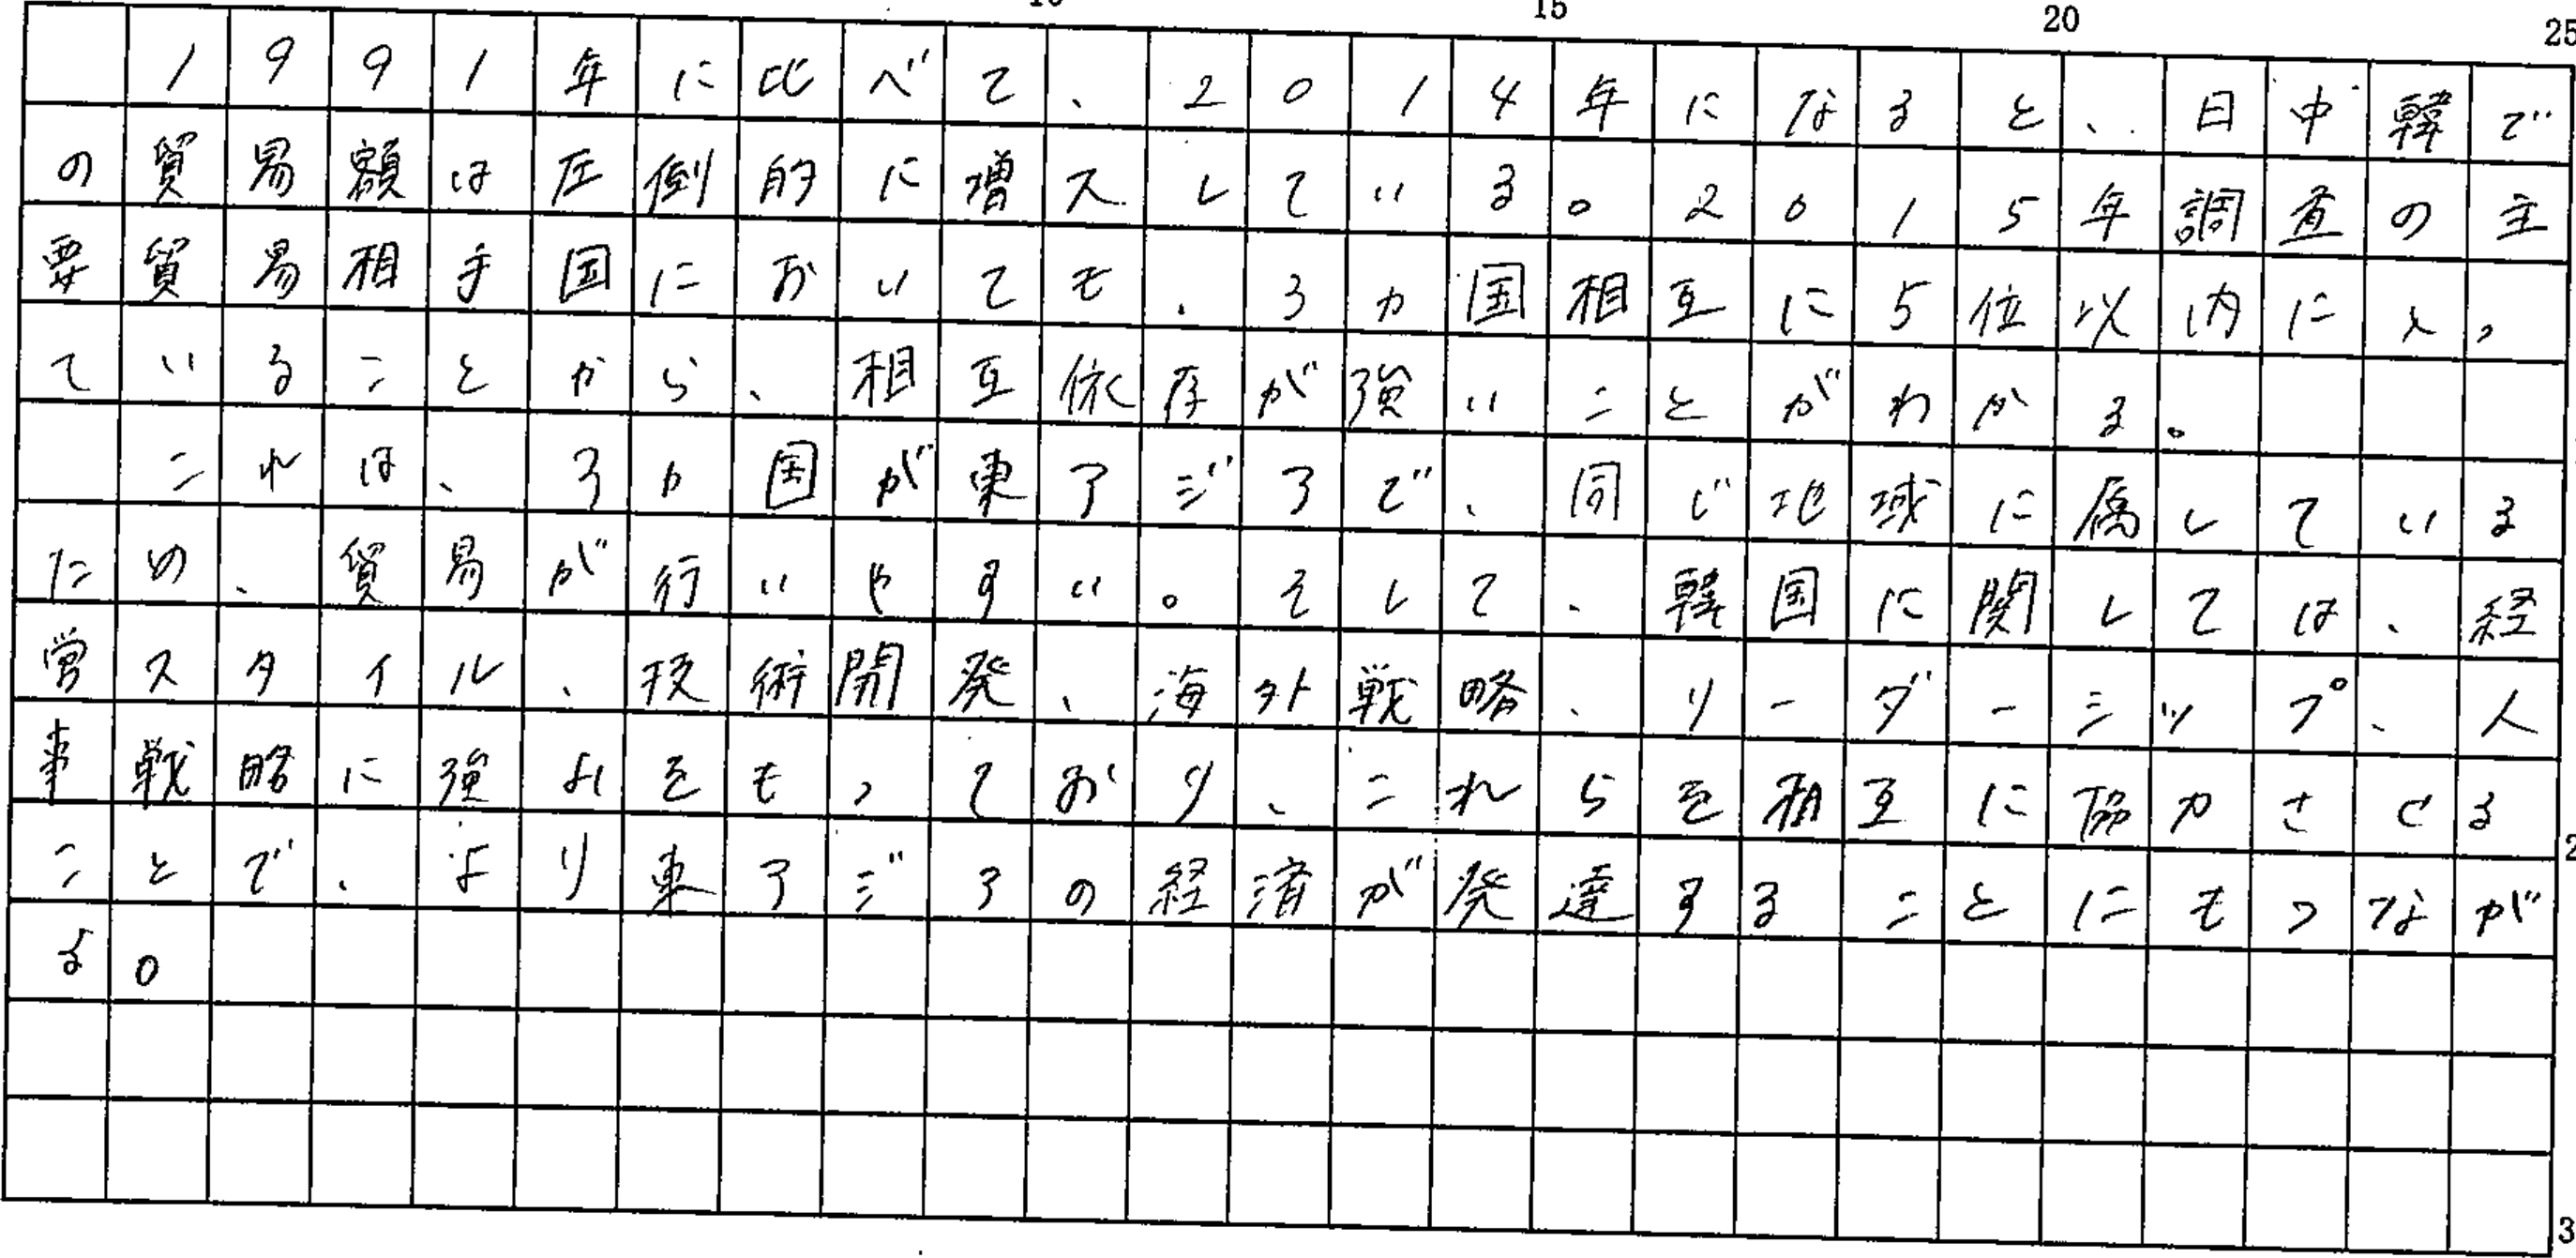　１９９１年に比べて、２０１４年になると、日中韓での貿易額は圧倒的に増大している。２０１５年調査の主要貿易相手国においても、３ヵ国相互に５位以内に入っていることから、相互依存が強いことがわかる。
　これは、３ヵ国が東アジアで、同じ地域に属しているため、貿易が行いやすい。そして、韓国に関しては、経営スタイル、技術開発、海外戦略、リーダーシップ、人事戦略に強みをもっており、これらを相互に協力させることで、より東アジアの経済が発達することにもつながる。
